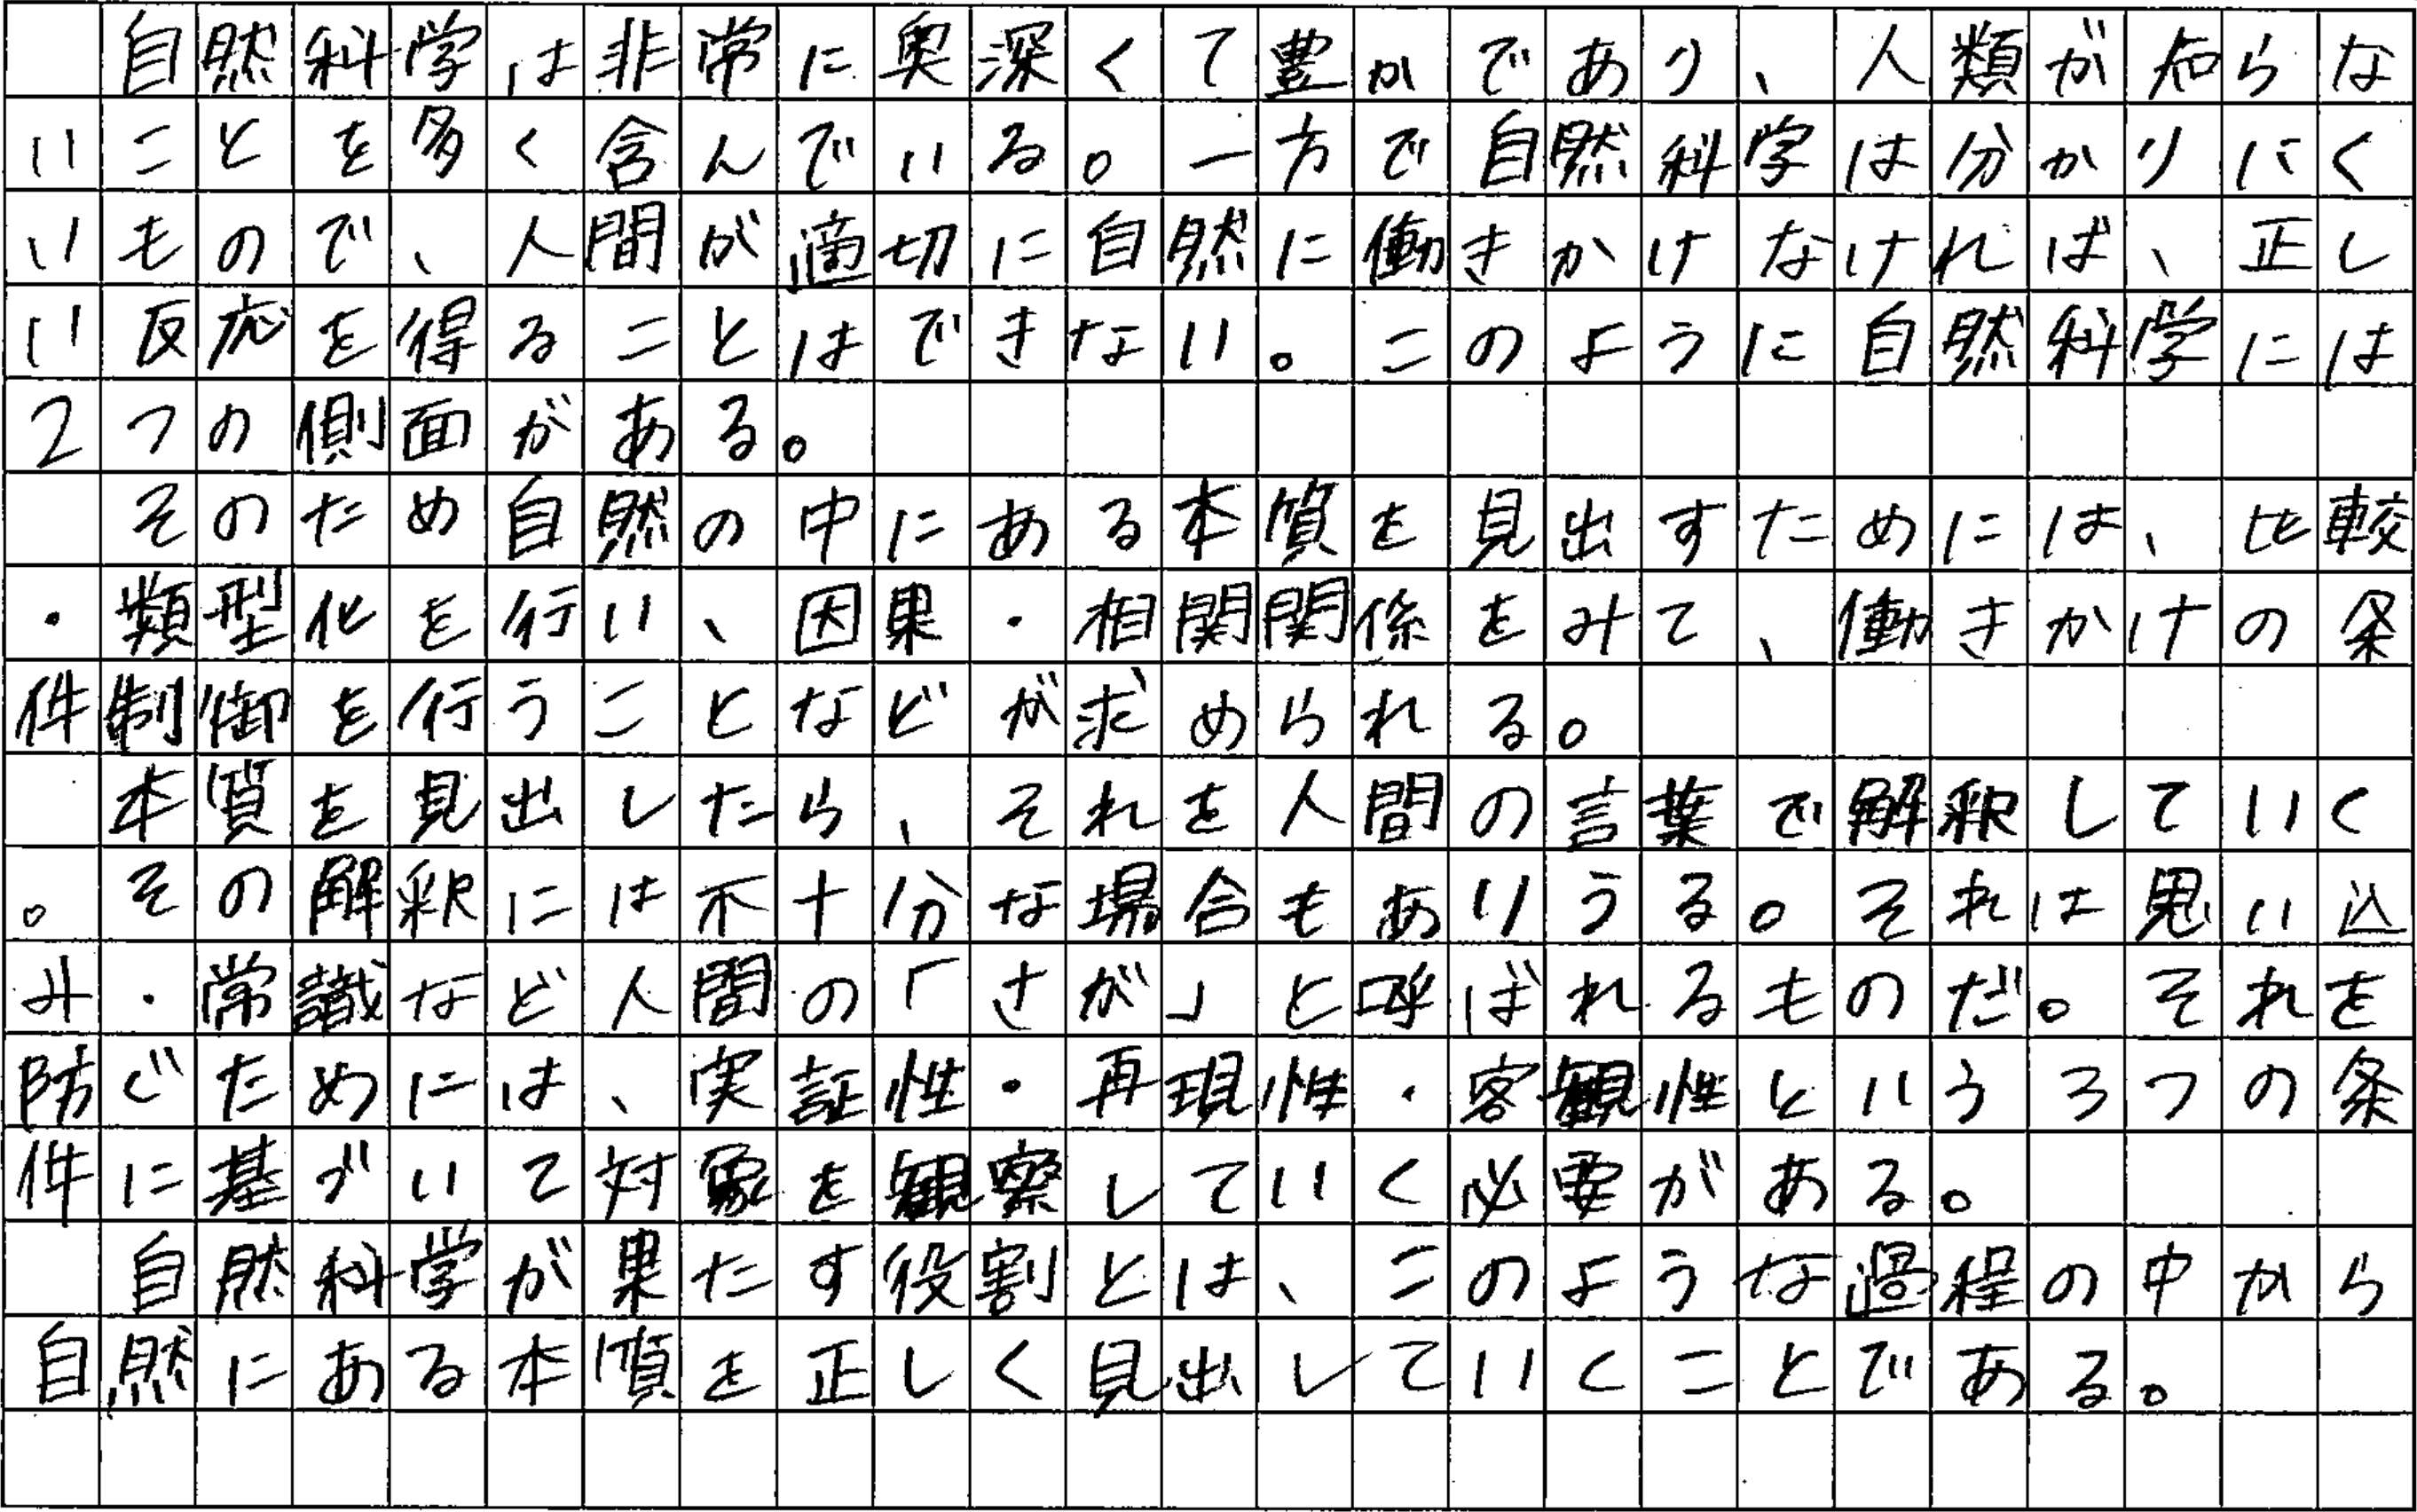　自然科学は非常に奥深くて豊かであり、人類が知らないことを多く含んでいる。一方で自然科学は分かりにくいもので、人間が適切に自然に働きかけなければ、正しい反応を得ることはできない。このように自然科学には２つの側面がある。
　そのため自然の中にある本質を見出すためには、比較・類型化を行い、因果・相関関係をみて、働きかけの条件制御を行うことなどが求められる。
　本質を見出したら、それを人間の言葉で解釈していく。その解釈には不十分な場合もありうる。それは思い込み・常識など人間の「さが」と呼ばれるものだ。それを防ぐためには、実証性・再現性・客観性という３つの条件に基づいて対象を観察していく必要がある。
　自然科学が果たす役割とは、このような過程の中から自然にある本質を正しく見出していくことである。
